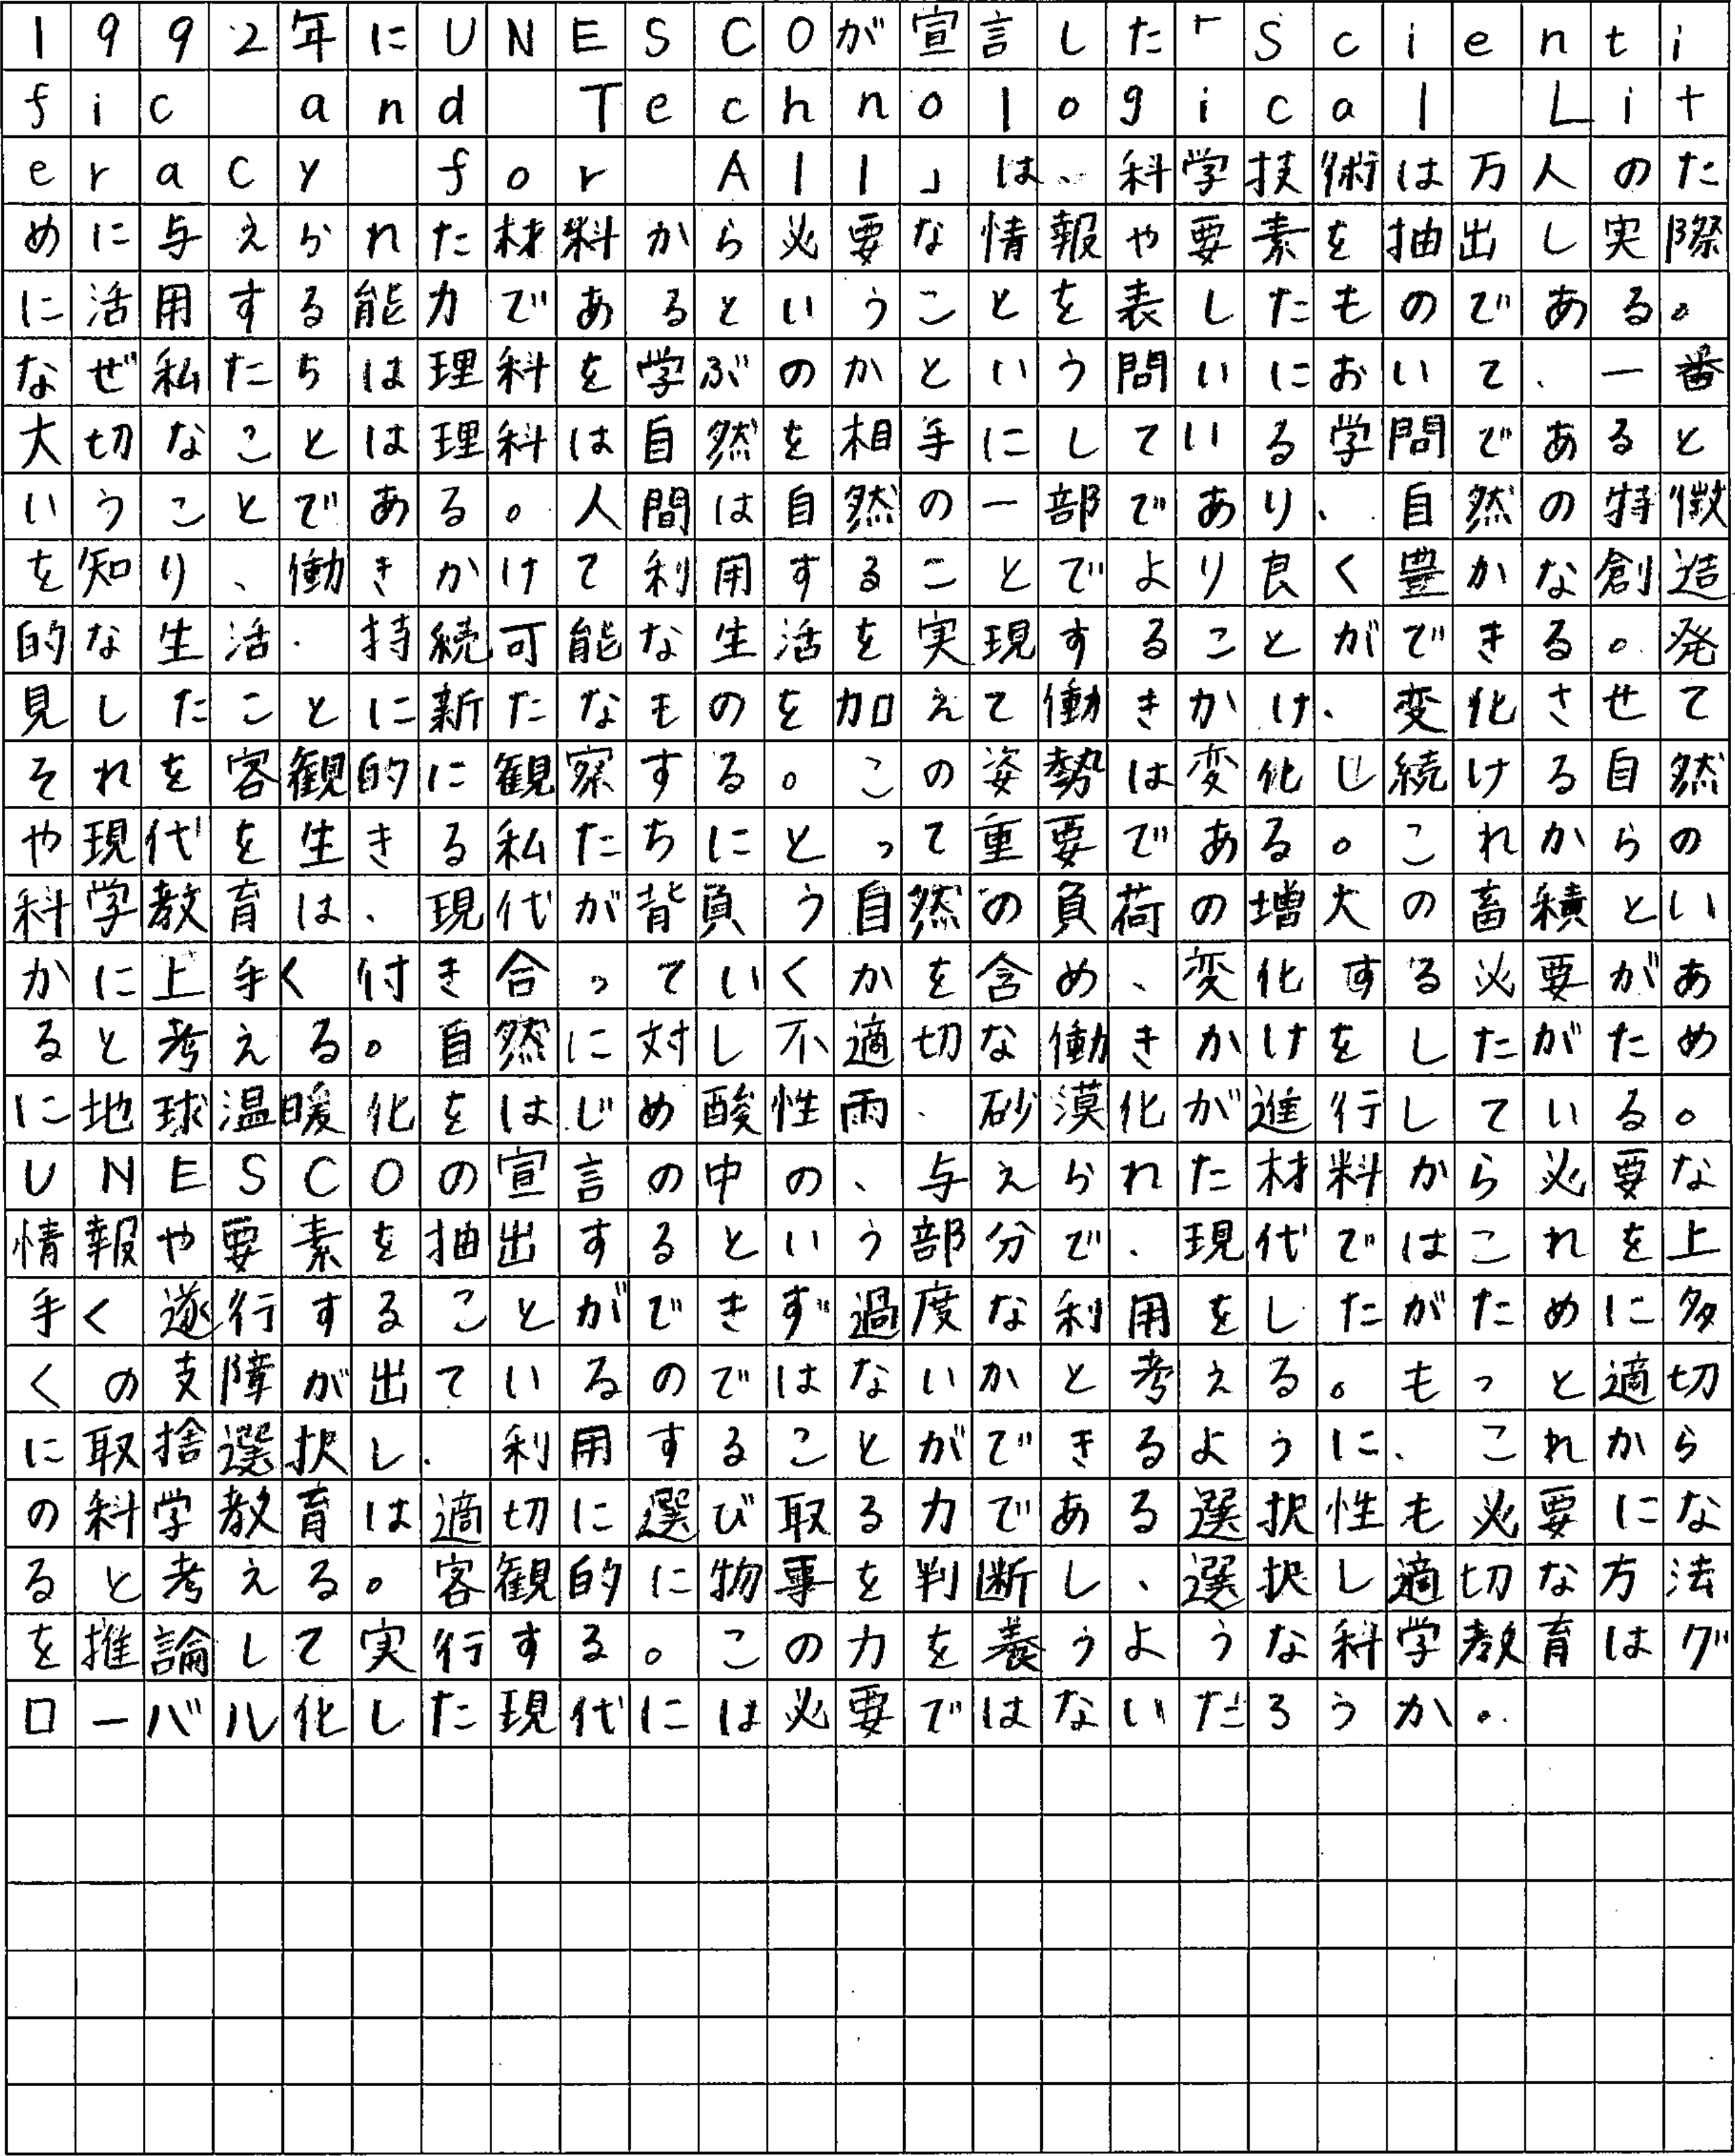１９９２年にＵＮＥＳＣＯが宣言した「Ｓｃｉｅｎｔｉｆｉｃ　ａｎｄ　Ｔｅｃｈｎｏｌｏｇｉｃａｌ　Ｌｉｔｅｒａｃｙ　ｆｏｒ　Ａｌｌ」は、科学技術は万人のために与えられた材料から必要な情報や要素を抽出し実際に活用する能力であるということを表したものである。なぜ私たちは理科を学ぶのかという問いにおいて、一番大切なことは理科は自然を相手にしている学問であるということである。人間は自然の一部であり、自然の特徴を知り、働きかけて利用することでより良く豊かな創造的な生活・持続可能な生活を実現することができる。発見したことに新たなものを加えて働きかけ、変化させてそれを客観的に観察する。この姿勢は変化し続ける自然や現代を生きる私たちにとって重要である。これからの科学教育は、現代が背負う自然の負荷の増大の畜積といかに上手く付き合っていくかを含め、変化する必要があると考える。自然に対し不適切な働きかけをしたがために地球温暖化をはじめ酸性雨、砂漠化が進行している。ＵＮＥＳＣＯの宣言の中の、与えられた材料から必要な情報や要素を抽出するという部分で、現代ではこれを上手く遂行することができず過度な利用をしたがために多くの支障が出ているのではないかと考える。もっと適切に取捨選択し、利用することができるように、これからの科学教育は適切に選び取る力である選択性も必要になると考える。客観的に物事を判断し、選択し適切な方法を推論して実行する。この力を養うような科学教育はグローバル化した現代には必要ではないだろうか。
